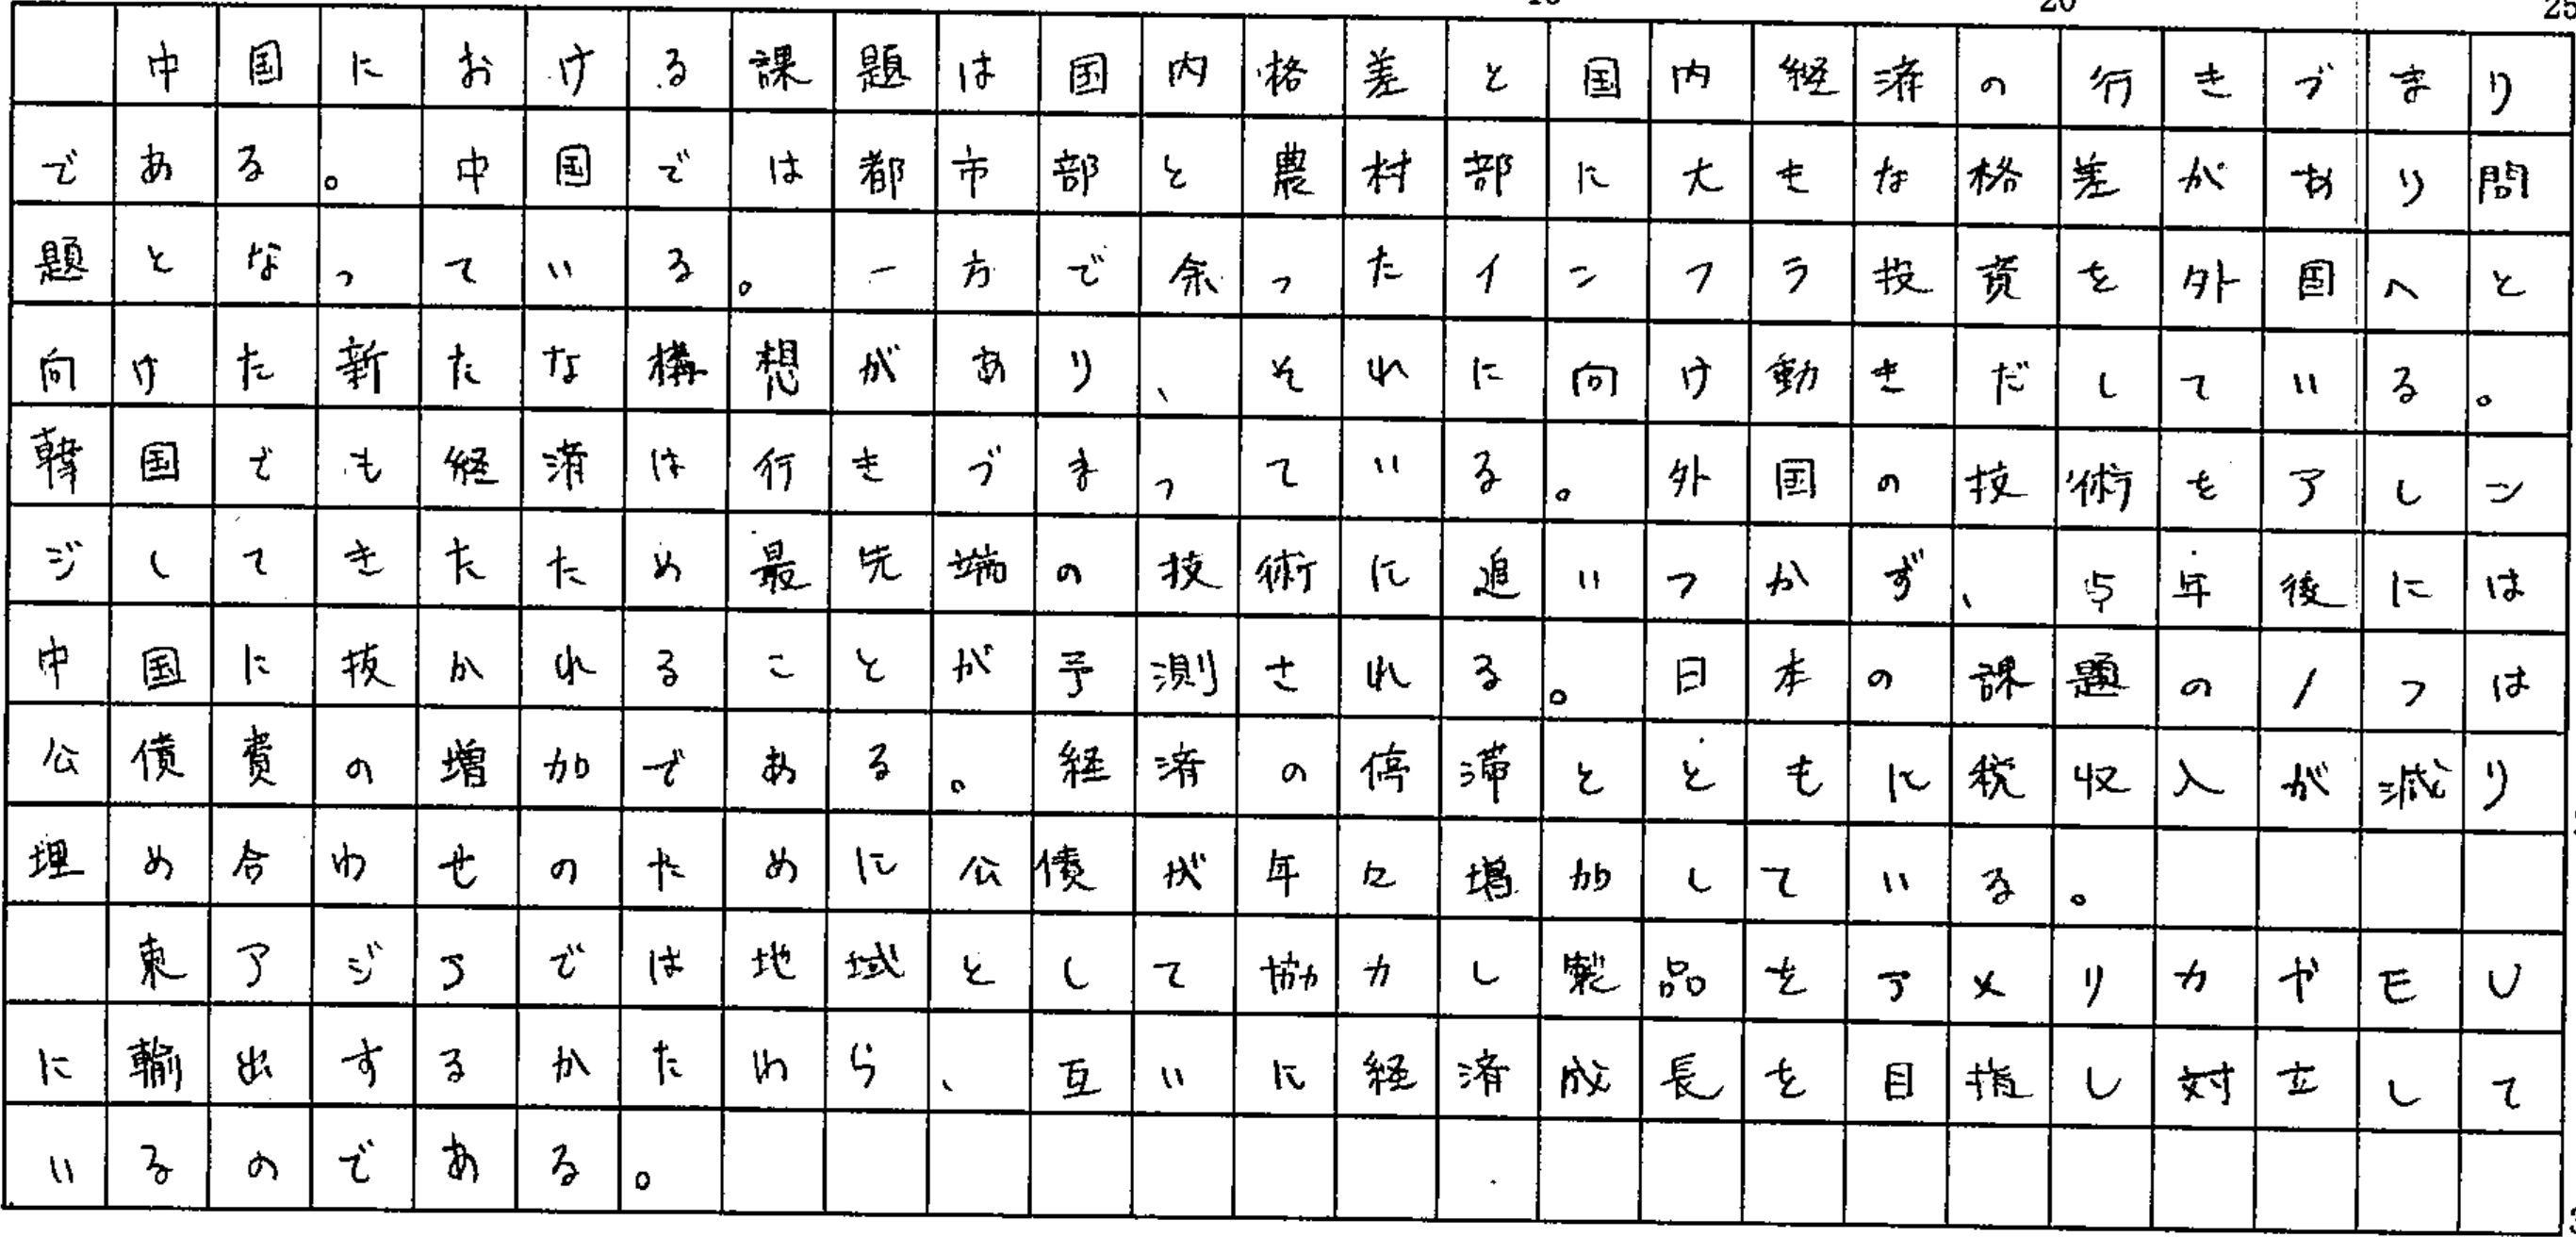　中国における課題は国内格差と国内経済の行きづまりである。中国では都市部と農村部に大きな格差があり問題となっている。一方で余ったインフラ投資を外国へと向けた新たな構想があり、それに向け動きだしている。韓国でも経済は行きづまっている。外国の技術をアレンジしてきたため最先端の技術に追いつかず、５年後には中国に抜かれることが予測される。日本の課題の１つは公債費の増加である。経済の停滞とともに税収入が減り埋め合わせのために公債が年々増加している。
　東アジアでは地域として協力し製品をアメリカやＥＵに輸出するかたわら、互いに経済成長を目指し対立しているのである。
